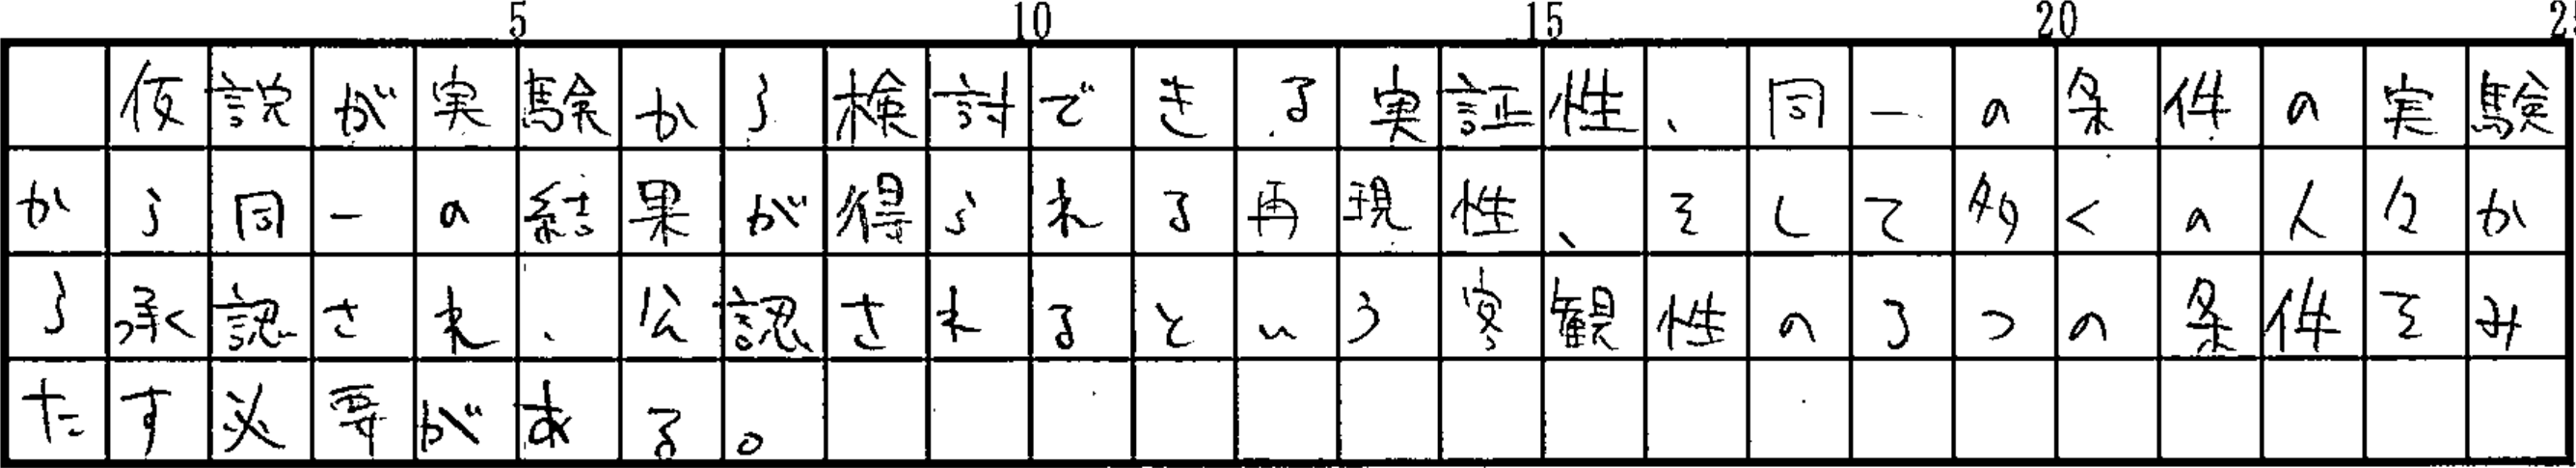　仮説が実験から検討できる実証性、同一の条件の実験から同一の結果が得られる再現性、そして多くの人々から承認され、公認されるという客観性の３つの条件をみたす必要がある。
